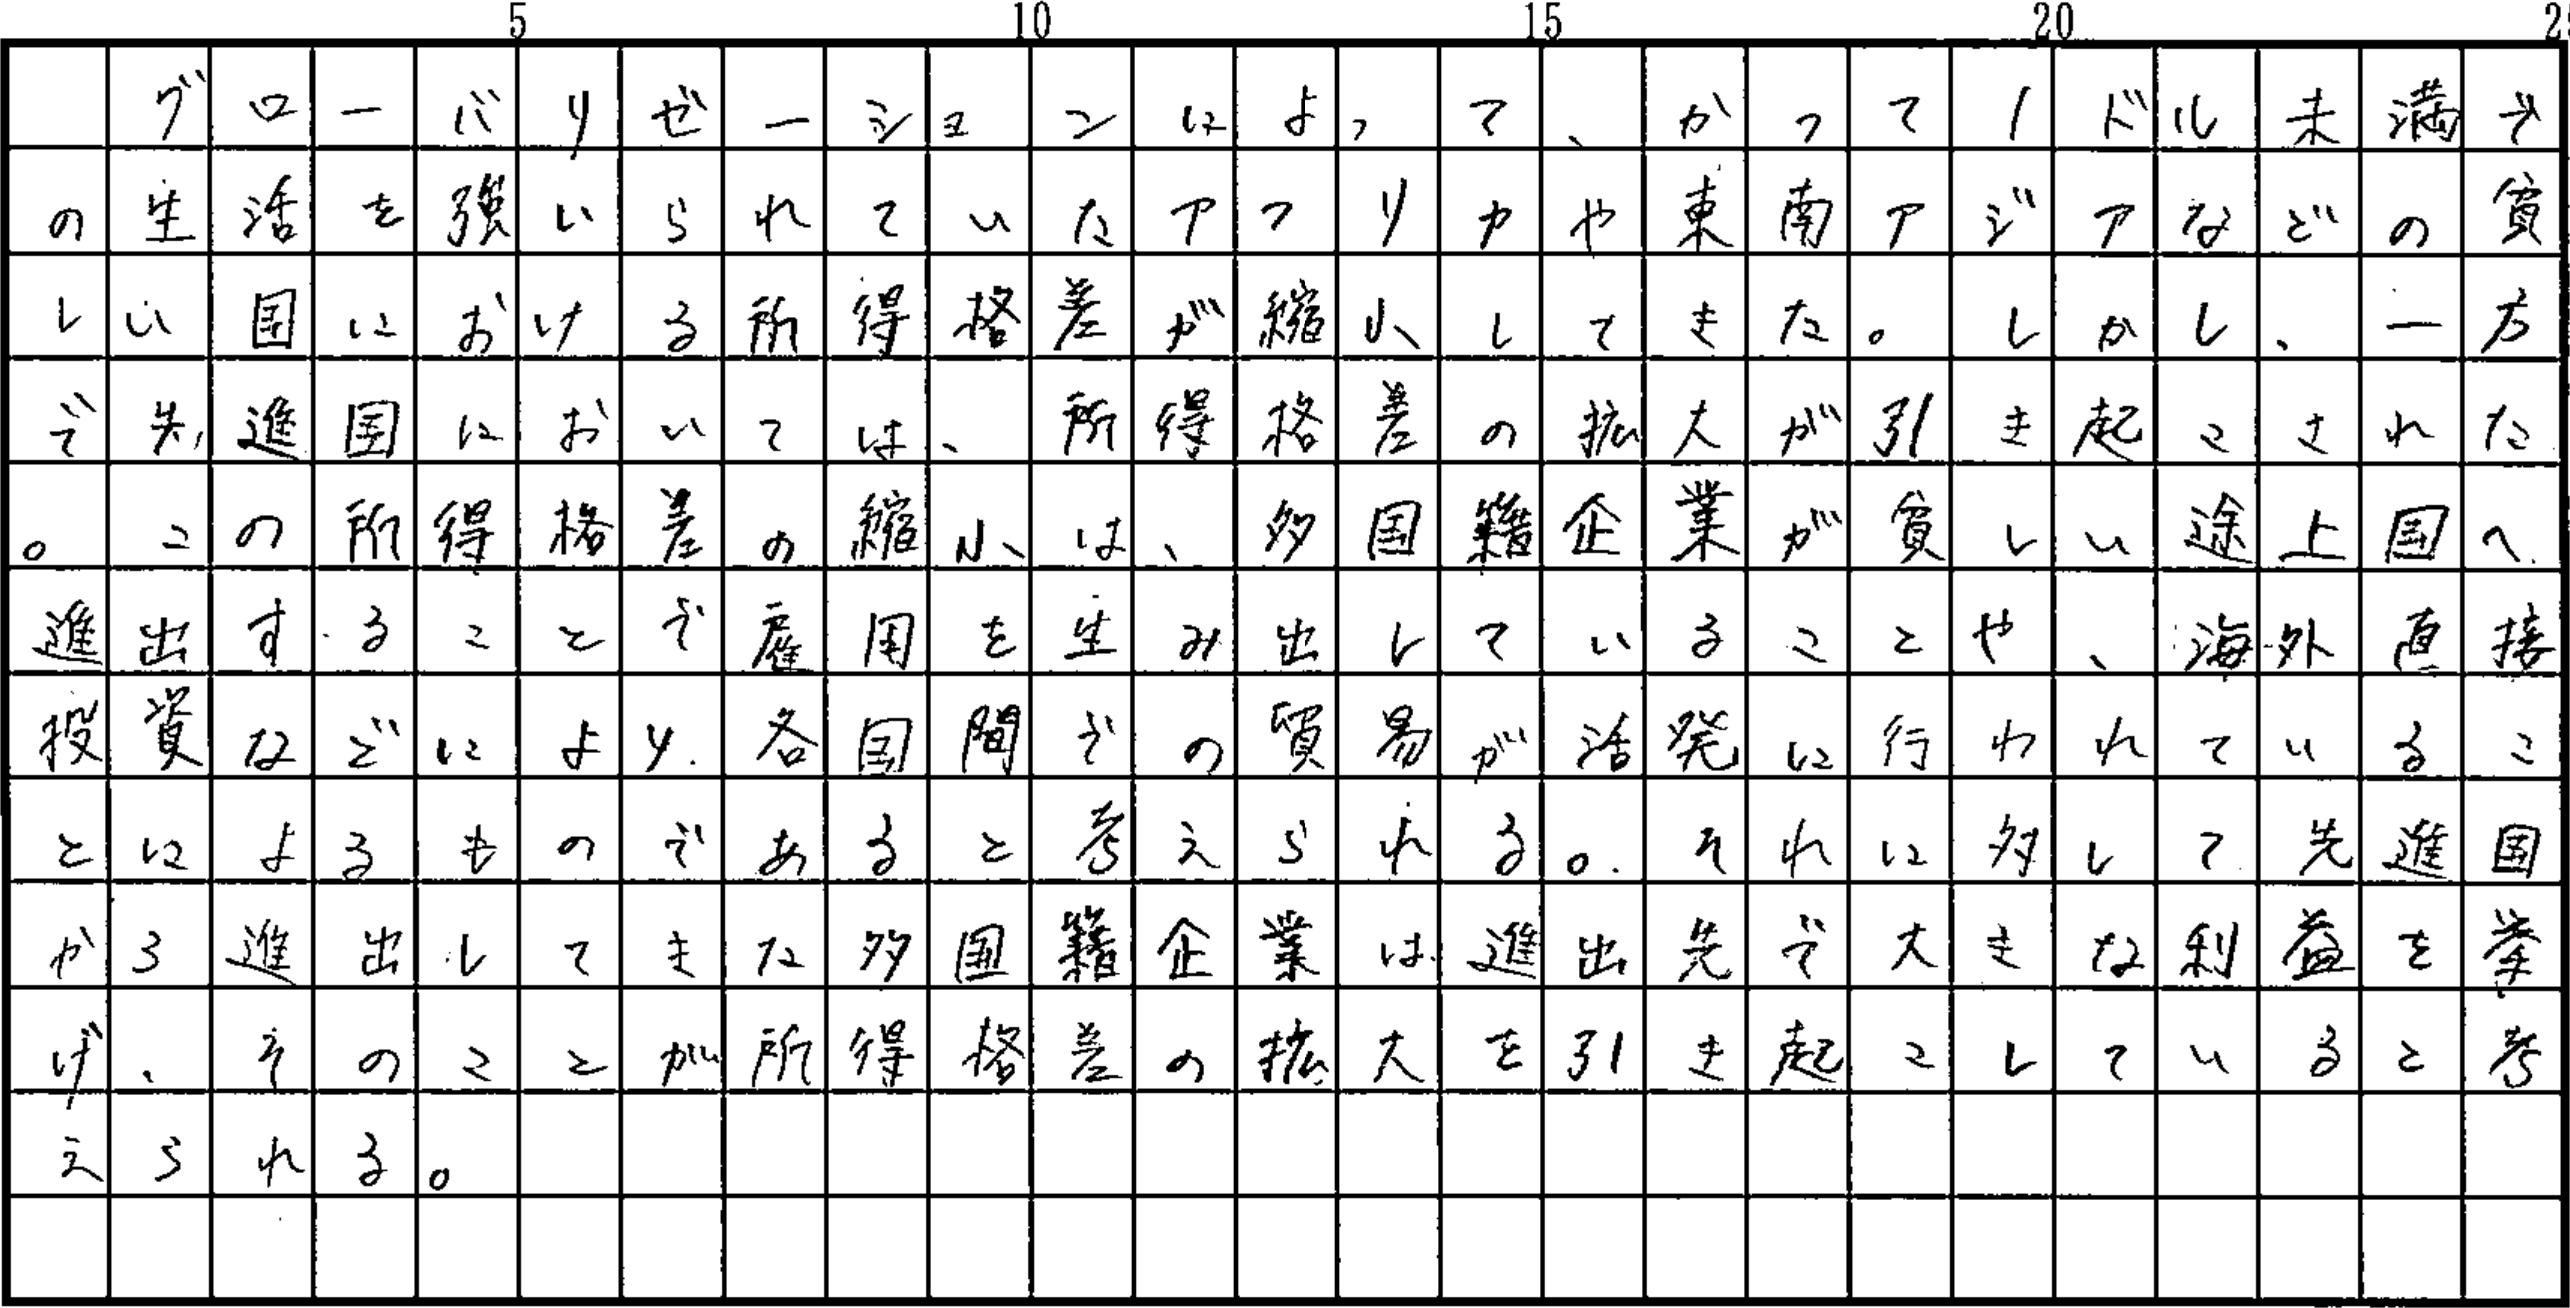　グローバリゼーションによって、かつて１ドル未満での生活を強いられていたアフリカや東南アジアなどの貧しい国における所得格差が縮小してきた。しかし、一方で先進国においては、所得格差の拡大が引き起こされた。この所得格差の縮小は、多国籍企業が貧しい途上国へ進出することで雇用を生み出していることや、海外直接投資などにより各国間での貿易が活発に行われていることによるものであると考えられる。それに対して先進国から進出してきた多国籍企業は進出先で大きな利益を挙げ、そのことが所得格差の拡大を引き起こしていると考えられる。
